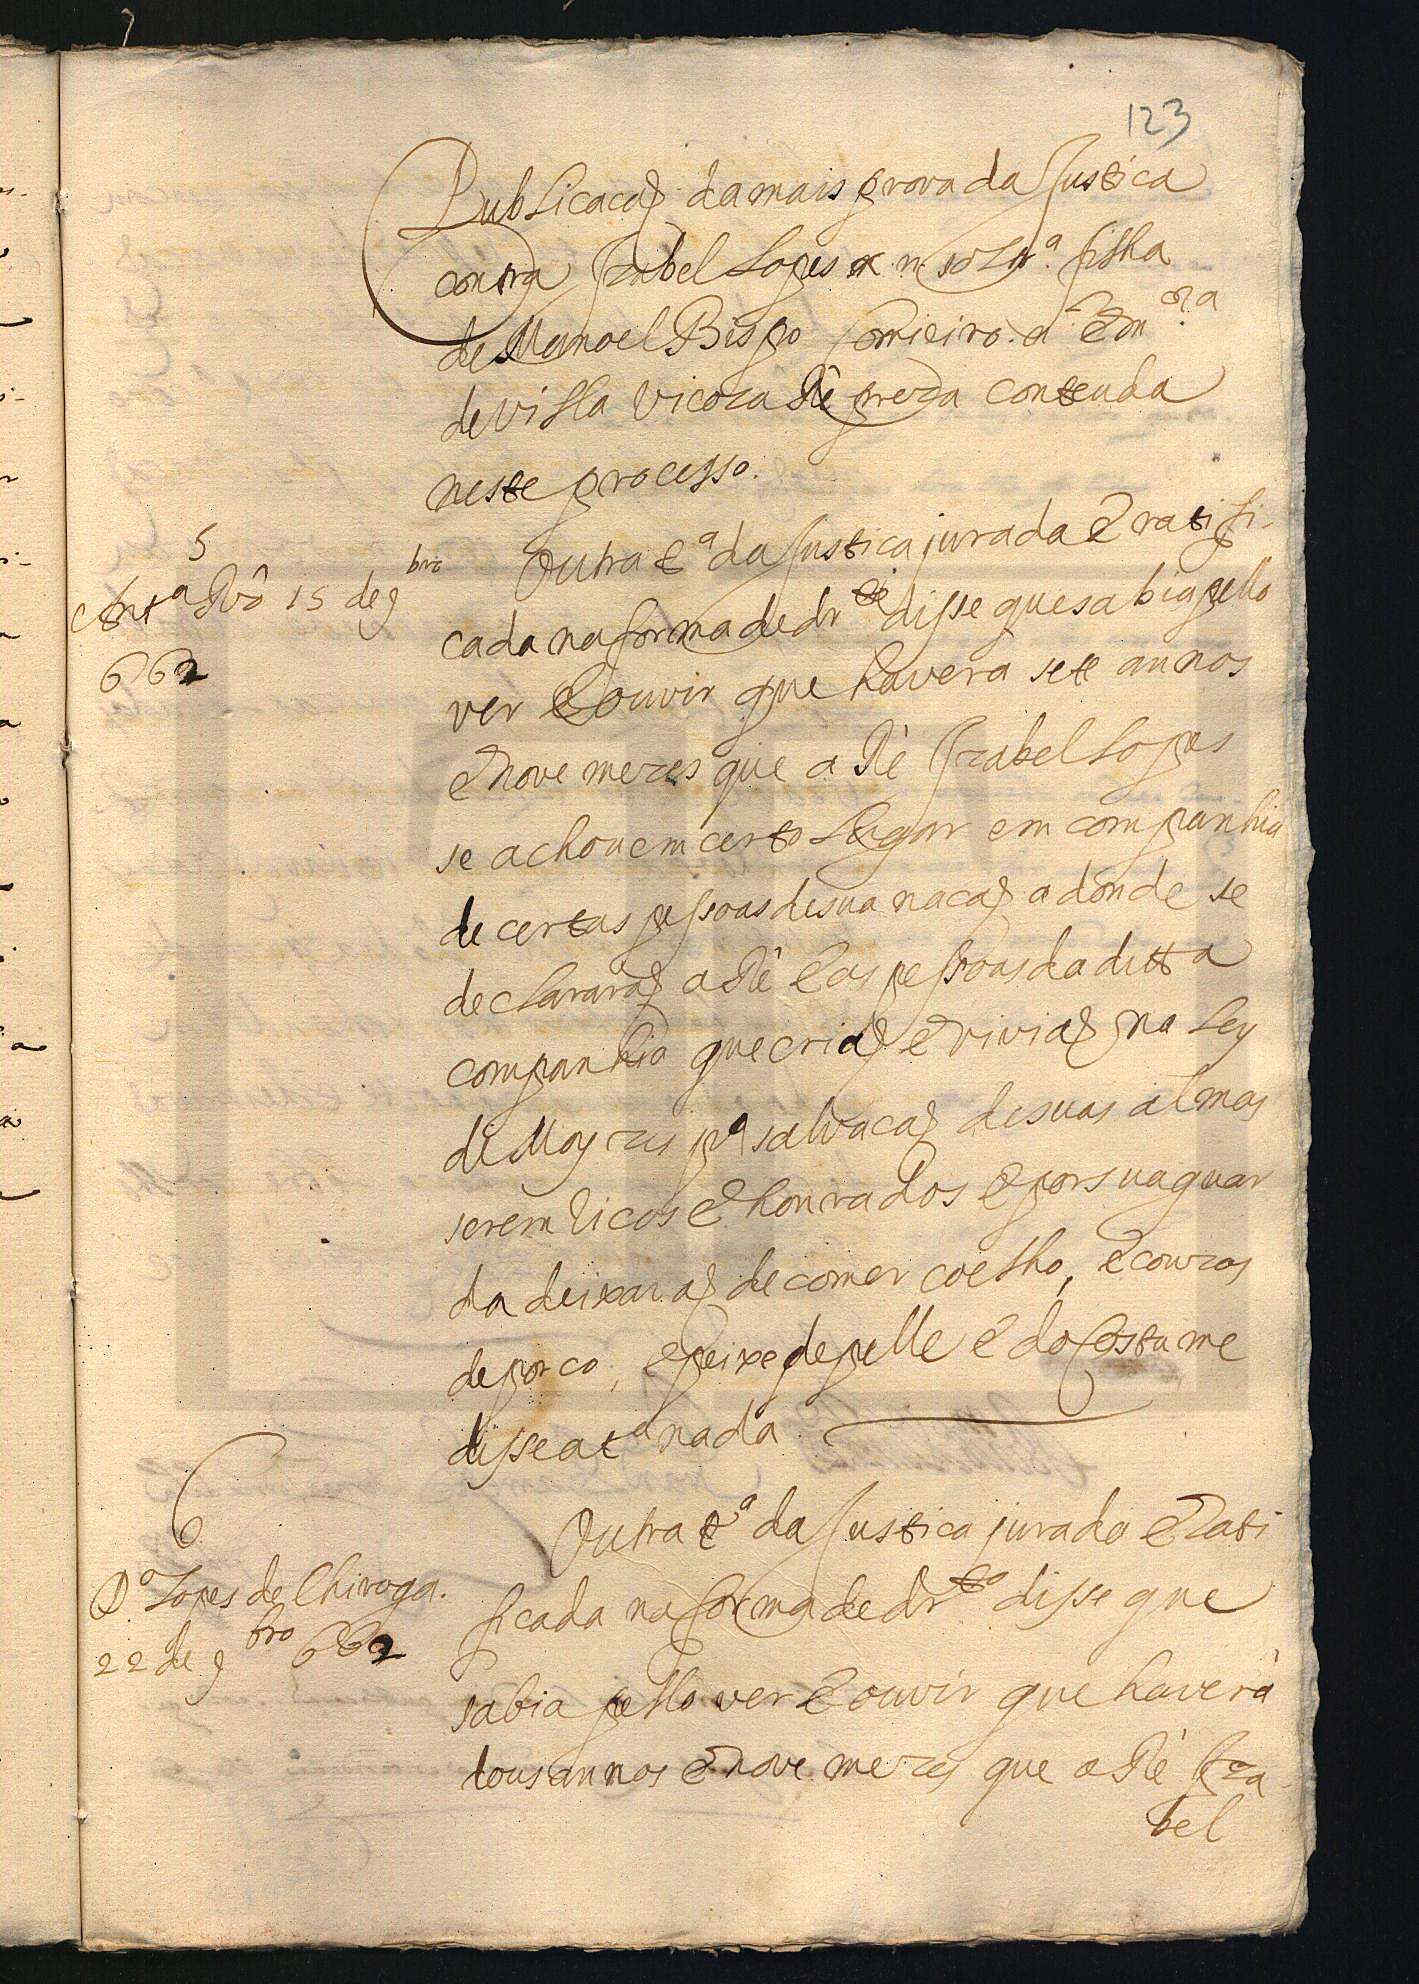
Publicacaõ da mais prova da Justica
contra Jzabel Lopes x.n. soltr.a filha
de Manoel Bispo Corrieiro. nl e m.ora
de villa vicoza Rè preza conteuda
neste processo.
Outra ta da Justica jurada e ratifi
cada na forma de drto disse que sabia pello
ver e ouvir que haverà sete annos
e nove mezes que a Rè Jzabel lopes
se achou em certo lugar em companhia
de certas pessoas de sua nacaõ adonde se
declararaõ a Rè e as pessoas da ditta
companhia que criaõ e viviaõ na Ley
de Moyzes pa saluacaõ de suas almas
serem Ricos e honrados e por sua guar
da deixaraõ de comer coelho, e couzas
de porco, e peixe de pelle e do Costume
disse a ta nada
Outra ta da Justica jurada e Rati
ficada na forma de drto disse que
sabia pello ver e ouvir que haverà
dous annos e nove mezes que a Rè Jza
bel
